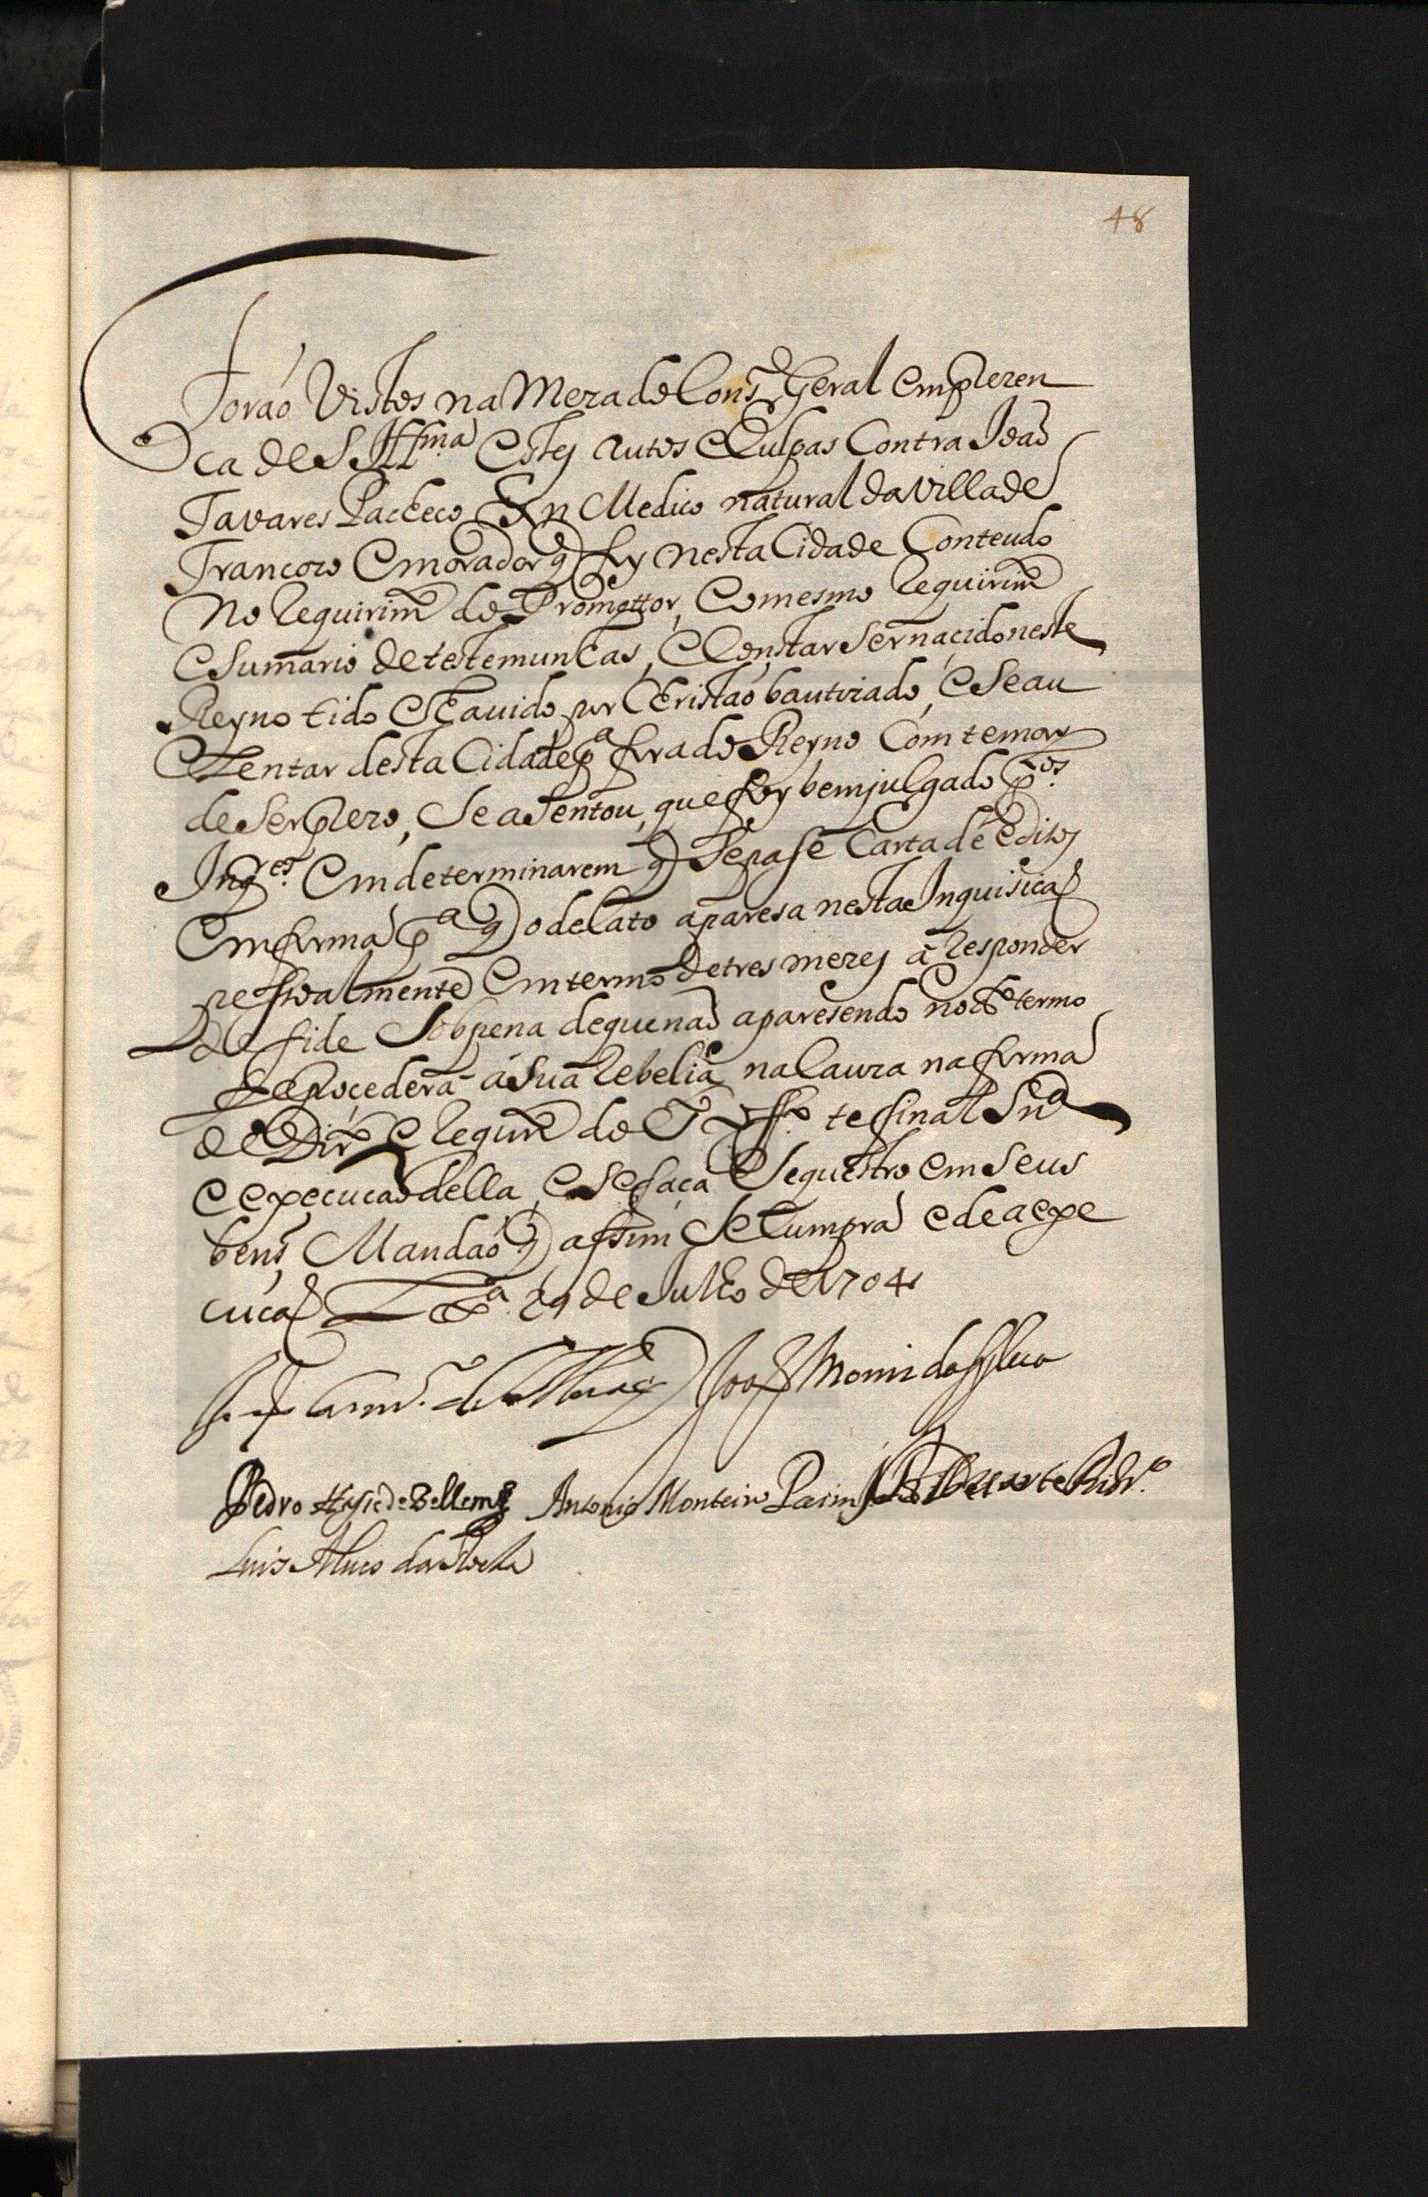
Foraõ vistos na Meza do Cons.o Geral em pRezen
ça de S Ill.ma estes autos e Culpas Contra Ioaõ
Tavares Pacheco xn Medico natural da villa de
Trancozo E morador q̄ foy nesta Cidade Conteudo
no Requirim.to do Promottor, E o mesmo Requirim.to
E Sumario de testemunhas, E Constar ser nacido neste
Reyno tido E hauido por Christaõ bautizado, E se au
Zentar desta Cidade pa fora do Reyno Com temor
de ser pRezo, Se asentou, que foy bem julgado p.los
Inq.res Em determinarem q̄ Se pase Carta de editos
Em forma pa q̄ o delato aparesa nesta Inquisiçaõ
pessoalmente Em termo de tres mezes a Responder
de fide Sob pena de que naõ aparesendo no d̄o termo
se pRocederá á Sua Rebelia na Cauza na forma
de Dirto e Regimto do S.to Off.o te final Snça
e execuçaõ della, E se faça Sequestro em seus
bens̄, Mandaõ q̄ assim Se Cumpra e de a exe
cuçaõ Lxa. 29 de Iulho de 1704
Joaõ Carnr.o de Morais
Joaõ Moniz da sylua
Pedro Hasse de Bellem
Antonio Monteiro Paim
Joaõ Duarte Ribr.o
Luis Alues da Rocha
